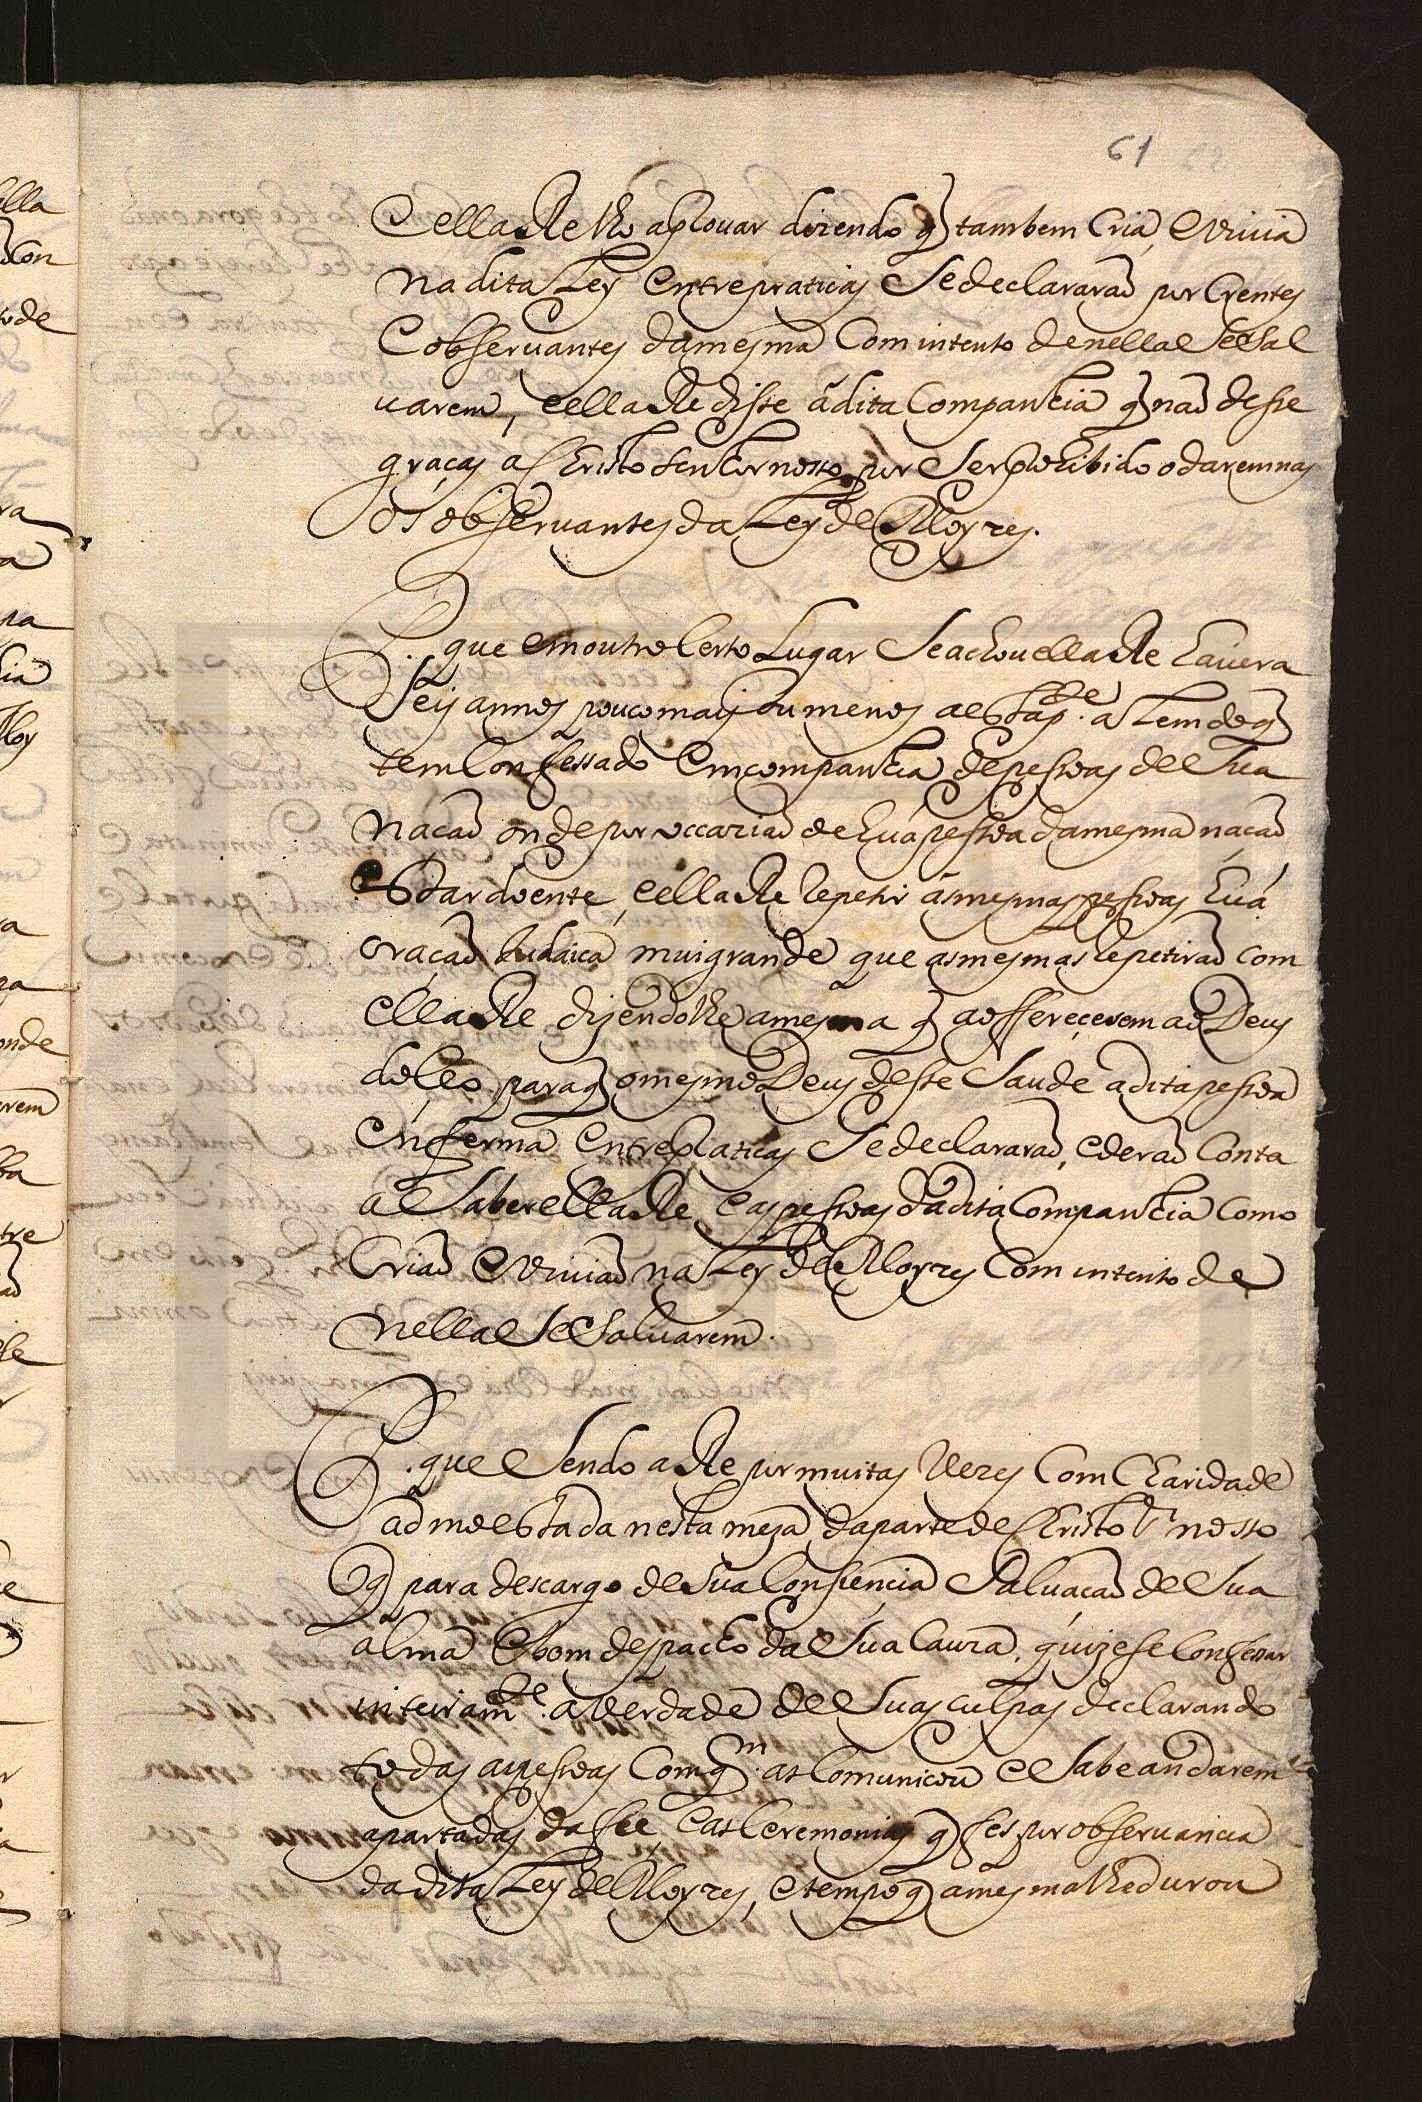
E ella Re lho apRouar dizendo q̄ tambem Cria e viuia
na dita Ley entre praticas Se declararaõ por Crentes
e obseruantes da mesma Com intento de nella Se Sal
uarem, e ella Re disse á dita Companhia q̄ naõ desse
graças a Christo senhor nosso per Ser pRohibido o daremnas
Os obseruantes da Ley de Moyzes.
que em outro Certo Lugar Se achou ella Re hauera
seis annos pouco mais ou menos a esta p.te aLem do q̄
tem Confessado em companhia de pessoas de Sua
nação onde por occaziaõ de huā pessoa da mesma naçaõ
Estar doente, e ella Re Repetir as mesmas pessoas huā
oraçaõ Judaica mui grande que as mesmas Repetiraõ com
Ella Re dizendolhe a mesma q̄ a offerecesem ao Deus
do Ceo para q̄ o mesmo Deus desse Saude a dita pessoa
Enferma entre pRaticas Se declararaõ, e deraõ Conta
a Saber ella Re e as pessoas da dita Companhia Como
Criaõ E viuiaõ na Ley de Moyzes Com intento de
nella Se Saluarem.
P. que Sendo a Re por muitas vezes Com Charidade
admoestada nesta meza da parte de Christo sor nosso
q̄ para descargo de Sua Consiencia Saluaçaõ de Sua
alma E bom despacho da Sua Cauza, quizese Confessar
inteiram.te a verdade de Suas culpas declarando
todas as pessoas Com q.m as Comunicou, e Sabe andarem
apartadas da fee, e as Ceremonias q̄ fes por obseruancia
da dita Ley de Moyzes, e tempo q̄ a mesma lhe durou
